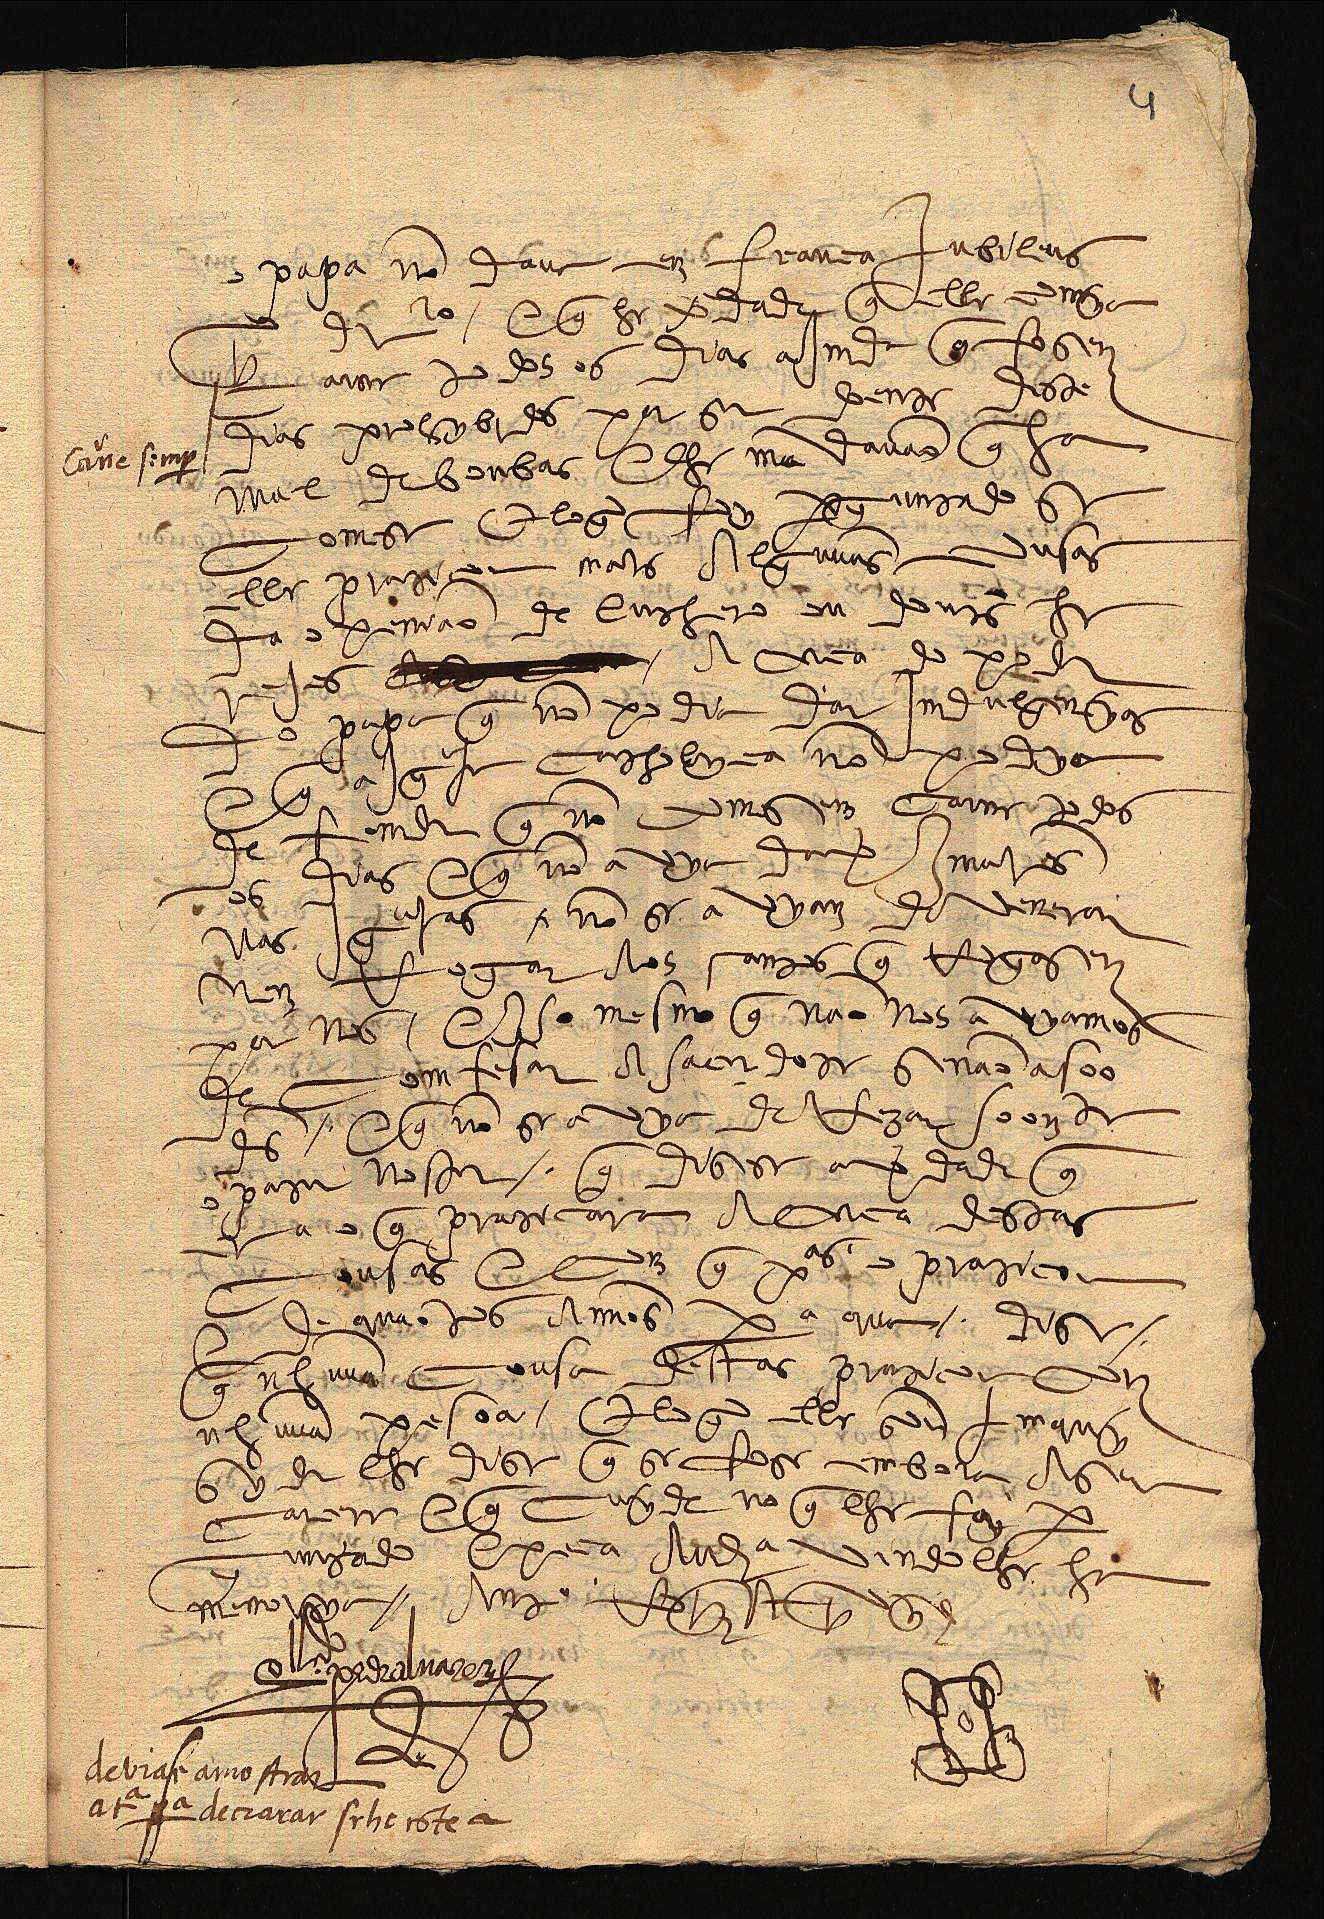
o papa nō daua em franca Jubileus
Po drro / e q̄ he ꝟdade q̄ elle comya
Carne todos os dias aJmda q̄ fosem
dias prohybidos por ser doente deste
mal de boubas e lhe mādauão q̄ ha
carne semꝑ
Comese E logo foy ꝑguntado se
elle praticou majs Alguūas cousas
da openião de luthero ou doutos he
rejes _ / Acerca do poder
do papa q̄ nō podia dar Jmdulgencyas
nehuuā Cousa destas pratecou con
nehuuā pesoa / E logo elle sōr Jmquy
sydor lhe dise q̄ se fose embora A sua
careira e q̄ cuyde no q̄ lhe foy ꝑ
gumtado e hera Auda vendo lhe ho
memorya
Anto
Rojz p̄vy
o Ldo pedro aluarezf
deviase amostrar
a ta ꝑa decrarar se he este a
